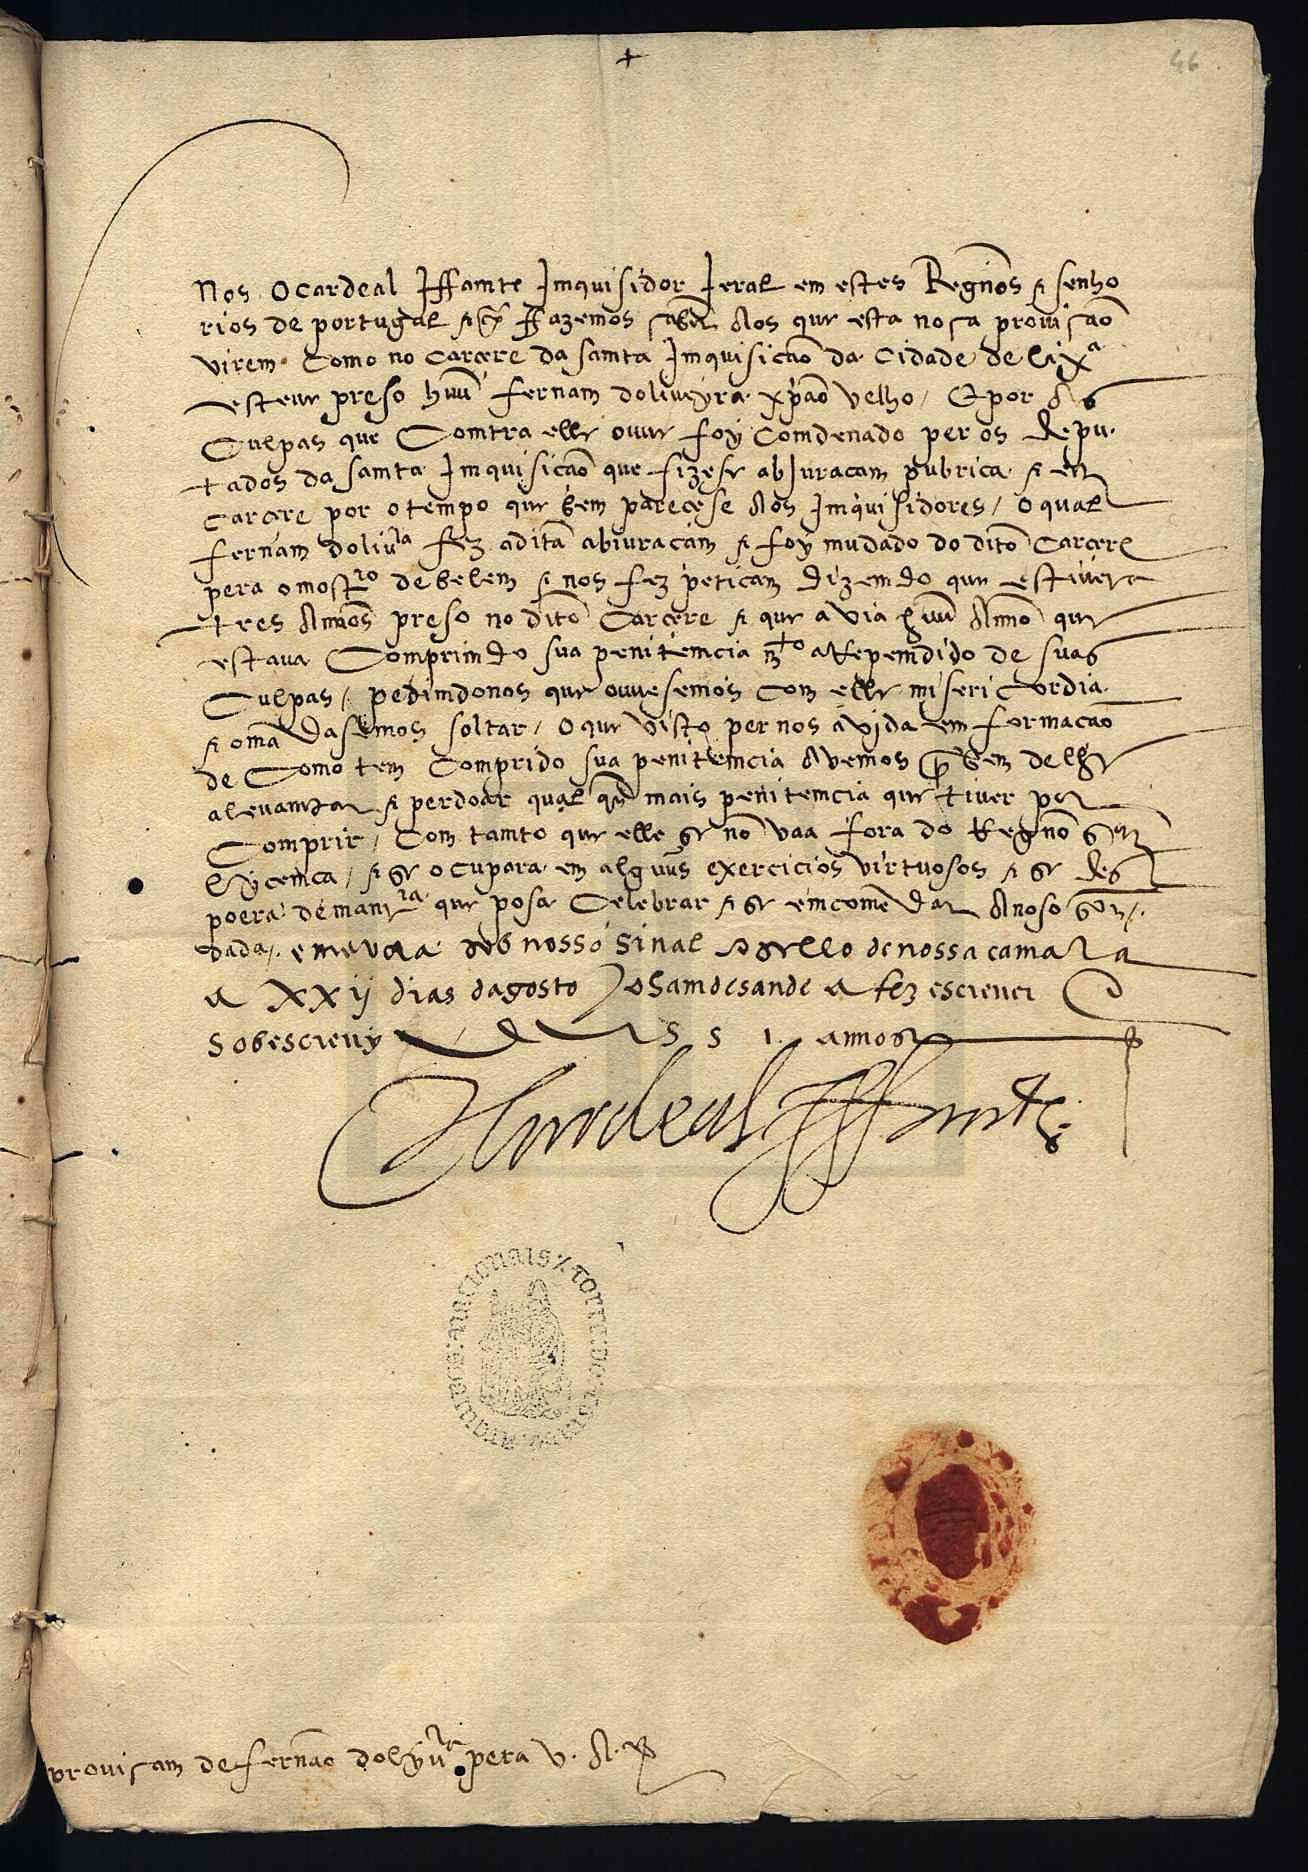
Nos O cardeal Jffamte Jmquisidor Jeral em estes Regnos e senho
rios de portugal e c̄ꝭ ffazemos saber Aos que esta nosa prouisaõ
virem como no carçere da samta Jmquisição da cidade de lixa
esteue preso hūu fernam doliueyra xpão velho / E por As
Culpas que Comtra elle ouue foy comdenado per os depu
tados da samta Jmquisição que fizese abJuraçam pubrica. e em
carçere por o tempo que bem pareçese Aos Jmquisidores / o qual
fernam doliura fez a dita abiuraçam e foy mudado do dito carçere
pera o mostro de belem e nos fez peticam dizemdo que estiuera
tres Annos preso no dito Carçere e que avia huū Anno que
estaua Comprimdo sua penitemcia mto aRepemdido de suas
Culpas / pedimdonos que ouuesemos com elle misericordia
e o mādasemos soltar / O que visto per nos avjda emformação
de Como tem Comprido sua penitemcia Avemos p̄o bem de lhe
aleuamtar e perdoar qualq̄r mais penitemçia que tiuer por
Comprir / comtamto que elle se n̄o vaa fora do Regno sem
lycença / e se ocupara em alguūs exercicios virtuosos e se des
poera de manrra que posa Çelebrar e se emcomēdar A noso s̄or /.
dada / em evora sob nosso sinal e sello de nossa camara
a xxij dias dagosto Joham de sande a fez escreuer e
sobescreuy de i55i annos
O Cardeal Jffante
prouisam de fernão dolyura pera v. A. ꝟ
